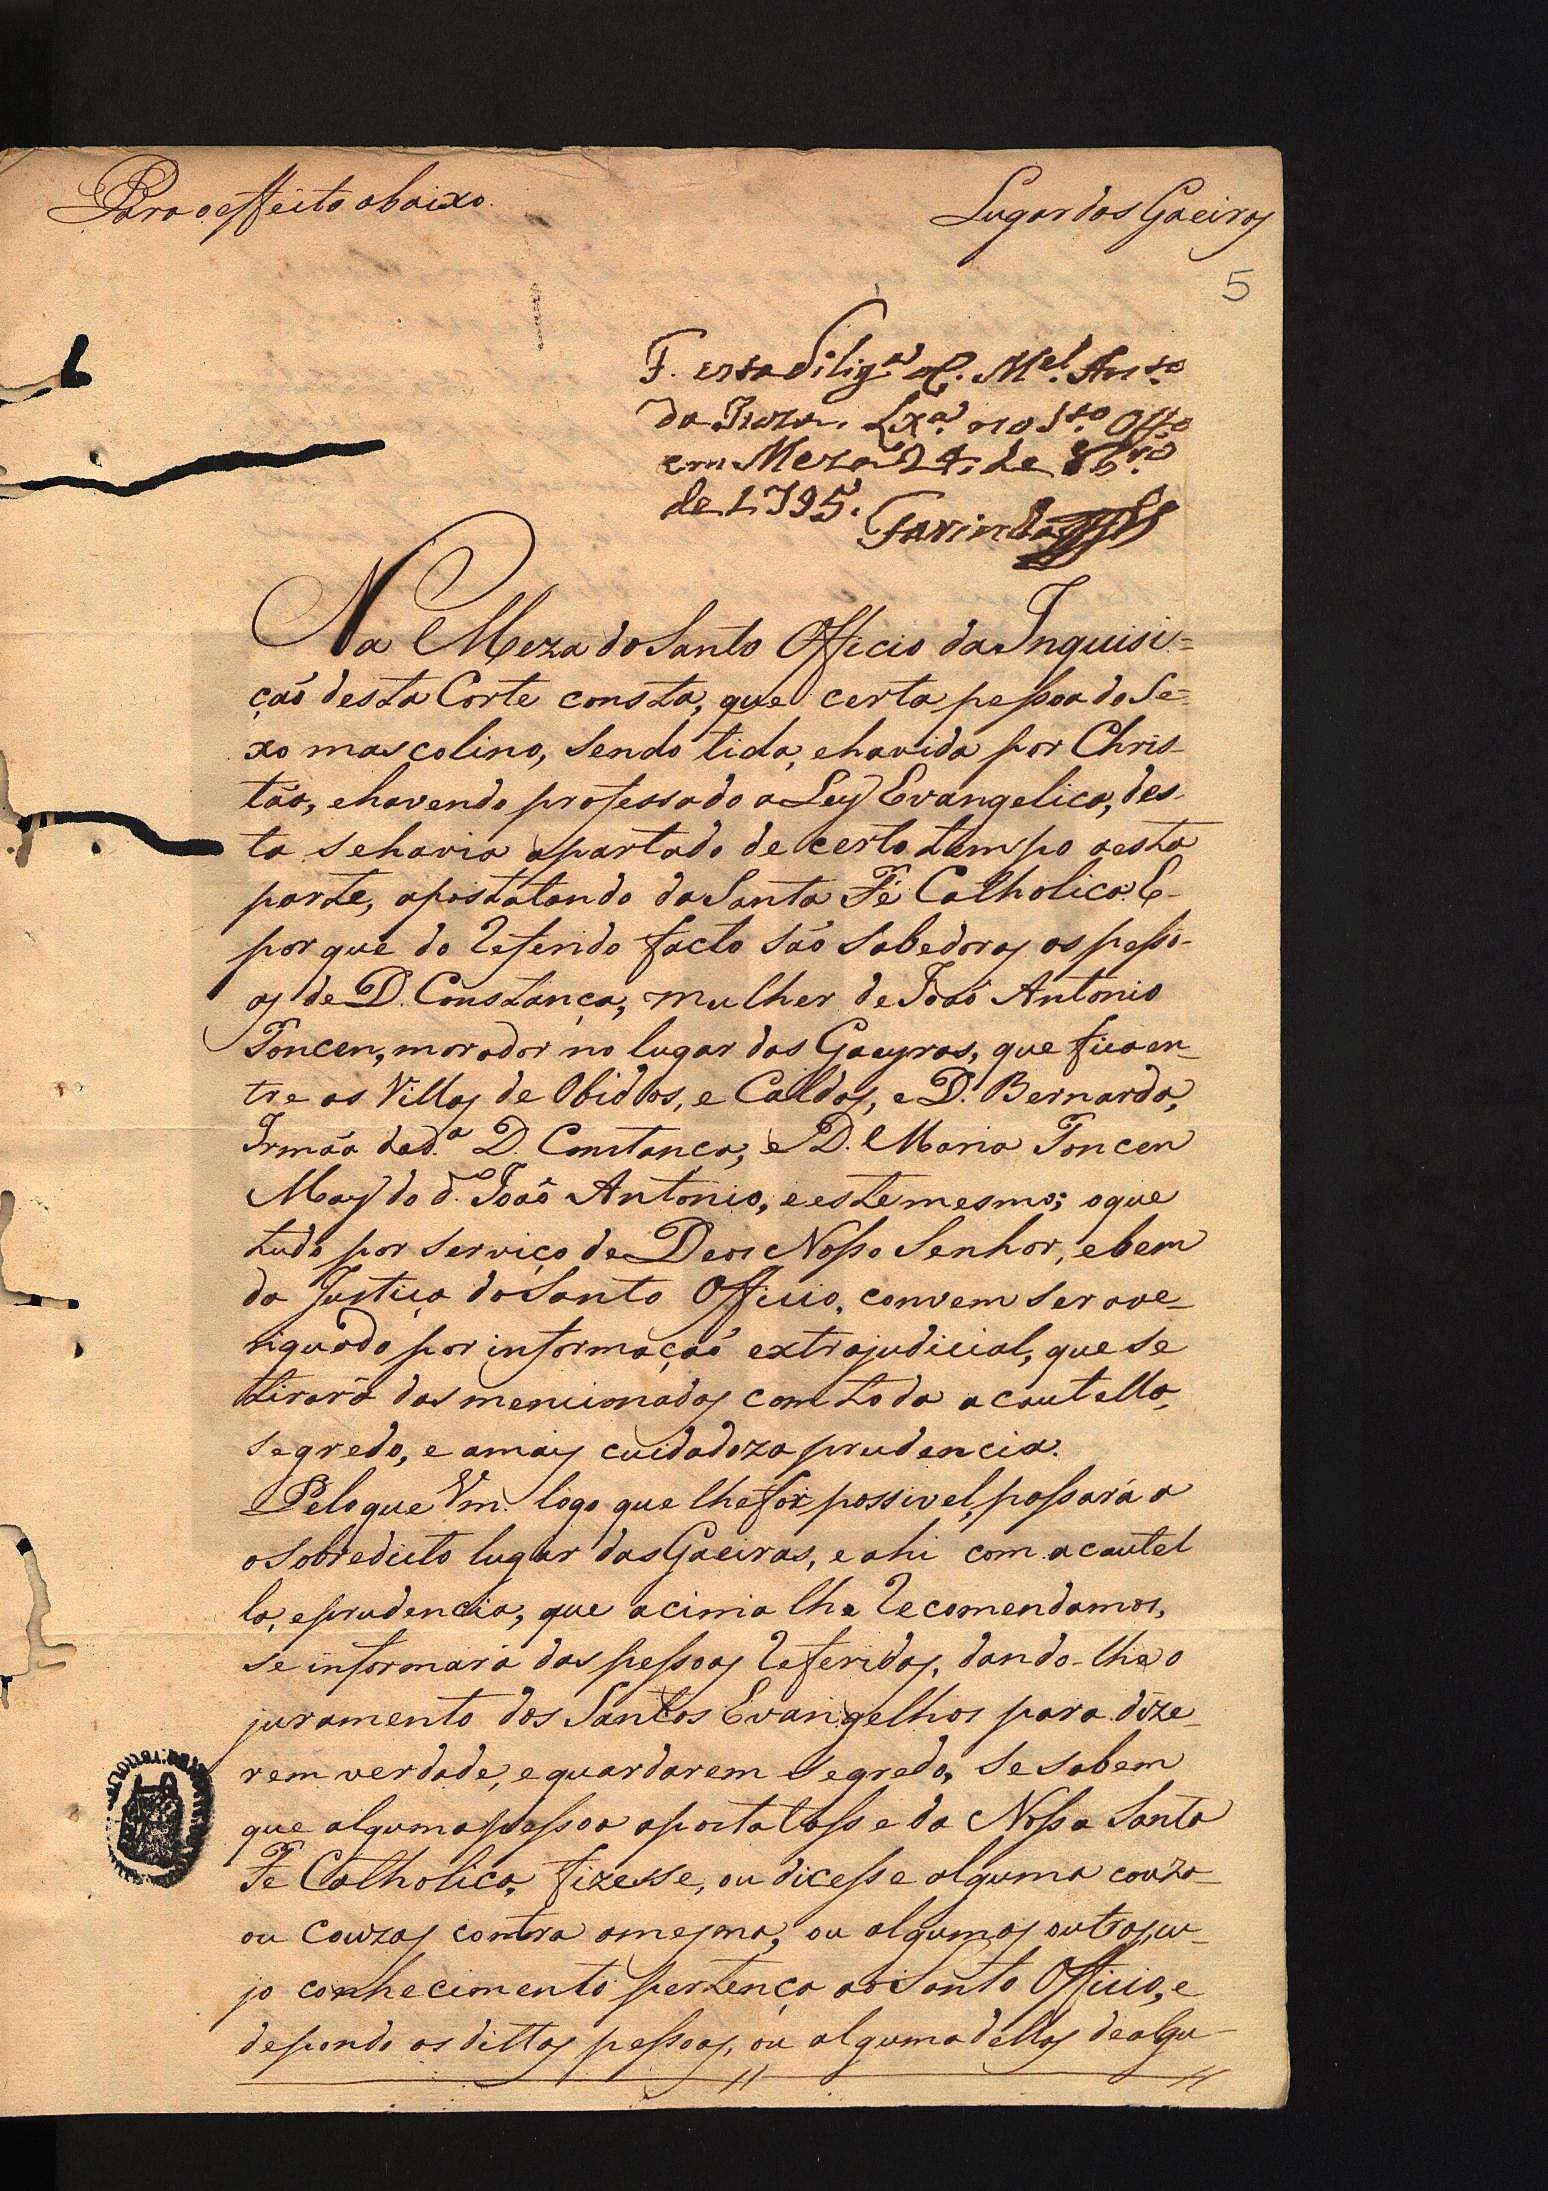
Para o effeito abaixo
Lugar das Gaeiras
F. esta dilig.a o C. M.el An.to
da Roza. Lx.a no S.to Off.o
em Meza 24. de 8b.ro
de 1795.
Farinha
Na Meza do Santo Officio da Inquisi
çaõ desta Corte consta, que certa pessoa do se
xo mascolino, sendo tida, e havida por Chris
taõ, e havendo professado a Ley Evangelica, des
ta se havia apartado de certo tempo a esta
parte, apostatando da Santa Fé Catholica: E
porque do Referido facto saõ sabedoras os pesso
as de D. Constança, mulher de Ioaõ Antonio
Toncen, morador no lugar das Gaeyras, que fica en
tre as Villas de Obidos, e Calldas, e D. Bernarda,
Irmaã da d.a D. Constança, e D. Maria Toncen
May do d.o Ioaõ Antonio, e este mesmo; o que
tudo por serviço de Deos Nosso Senhor, e bem
da Justiça do Santo Officio, convem ser ave
riguado por informaçaõ extrajudicial, que se
tirará das mencionadas com toda a cautella,
segredo, e a mais cuidadoza prudencia.
Pelo que Vm. logo que lhe foi possivel, passará a
o sobredicto lugar das Gaeiras, e ahi com a cautel
la, e prudencia, que acima lhe Recomendamos,
se informará das pessoas Referidas, dando-lhe o
juramento dos Santos Evangelhos para dize
rem verdade, e guardarem segredo, se sabem
que alguma pessoa apostatasse da Nossa Santa
Fe Catholica, fizesse, ou dicesse alguma couza
ou couzas contra a mesma, ou algumas outras, cu
jo conhecimento pertença ao Santo Officio, e
depondo as dittas pessoas, ou alguma dellas de algu
